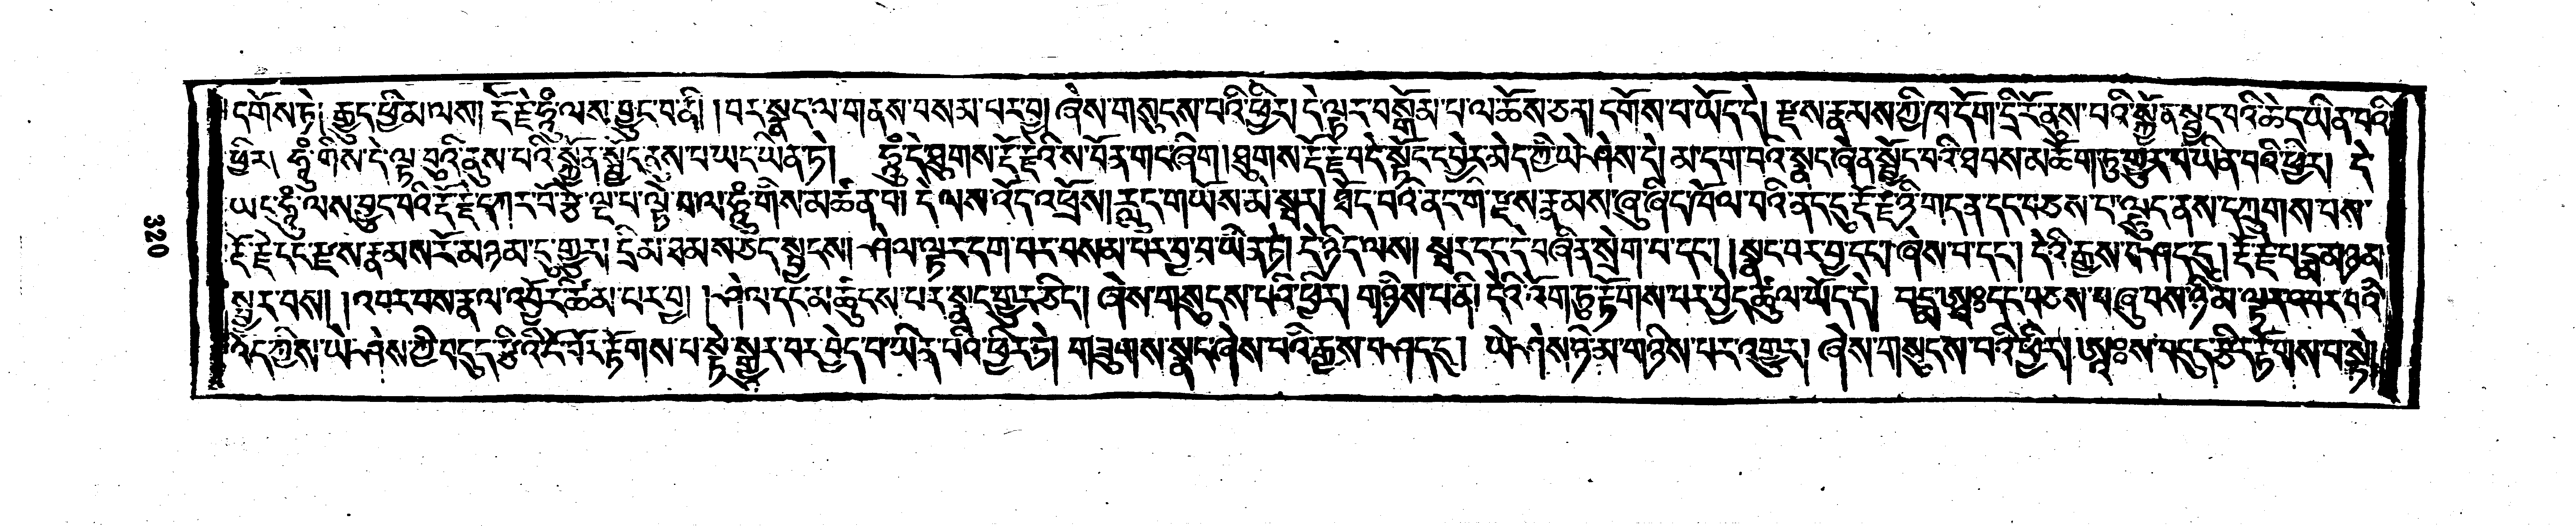དགོས་ཏེ། རྒྱུད་ཕྱི་མ་ལས། རྡོ་རྗེ་ཧཱུཾ་ལས་བྱུང་བ་ནི། །བར་སྣང་ལ་གནས་བསམ་པར་བྱ། ཞེས་གསུངས་པའི་ཕྱིར། དེ་ལྟར་བསྒོམ་པ་ལ་ཆོས་ཅན། དགོས་པ་ཡོད་དེ། རྫས་རྣམས་ཀྱི་ཁ་དོག་དྲི་རོ་ནུས་པའི་སྐྱོན་སྦྱང་བའི་ཆེད་ཡིན་པའི་
ཕྱིར༑ ཧཱུཾ་གིས་དེ་ལྟ་བུའི་ནུས་པའི་སྐྱོན་སྦྱོང་ནུས་པ་ཡང་ཡིན་ཏེ། ཧཱུཾ་དེ་ཐུགས་རྡོ་རྗེའི་ས་བོན་གང་ཞིག །ཐུགས་རྡོ་རྗེ་བདེ་སྟོང་དབྱེར་མེད་ཀྱི་ཡེ་ཤེས་དེ། མ་དག་པའི་སྣང་ཞེན་སྦྱོང་བའི་ཐབས་མཆོག་ཏུ་གྱུར་བ་ཡིན་པའི་ཕྱིར། དེ་
ཡང་ཧཱུཾ་ལས་བྱུང་བའི་རྡོ་རྗེ་དཀར་བོ་རྩེ་ལྔ་པ་ལྟེ་བ་ལ་ཧཱུཾ་གིས་མཚན་པ། དེ་ལས་འོད་འཕྲོས། རླུང་གཡོ་བ་མེ་སྦར། ཐོད་པའི་ནང་གི་རྫས་རྣམས་ཞུ་ཞིང་ཁོལ་བའི་ནང་དུ་རྡོ་རྗེ་ཉི་གདན་དང་བཅས་པ་ལྷུང་ནས་དཀྲུགས་པས་
རྡོ་རྗེ་དང་རྫས་རྣམས་རོ་མཉམ་དུ་གྱུར། དྲི་མ་ཐམས་ཅད་སྦྱངས། ཤེལ་ལྟར་དག་པར་བསམ་པར་བྱ་བ་ཡིན་ཏེ། དེ་ཉིད་ལས། སྦར་དང་དེ་བཞིན་སྲེག་པ་དང་། །སྣང་བར་བྱ་དང་། ཞེས་པ་དང་། དེའི་རྒྱས་བཤད་དུ། རྡོ་རྗེ་པདམ་མཉམ་
སྦྱར་བས། །འབར་བས་རྣལ་འབྱོར་ཚིམ་པར་བྱ། །ཤེལ་དང་མཚུངས་པར་སྣང་གྱུར་ཅིང་། ཞེས་གསུངས་པའི་ཕྱིར། གཉིས་པ་ནི། དེའི་འོག་ཏུ་རྟོགས་པར་བྱེད་ཚུལ་ཡོད་དེ། པདམ་ཨཱཿ དང་བཅས་པ་ཞུ་བས་ཉི་མ་ལྟར་འབར་བའི་
འོད་ཀྱིས་ཡེ་ཤེས་ཀྱི་བདུད་རྩིའི་ངོ་བོར་རྟོགས་པ་སྟེ་སྒྱུར་བར་བྱེད་པ་ཡིན་པའི་ཕྱིར་ཏེ། གཟུགས་སྣང་ཞེས་པའི་རྒྱས་བཤད་དུ། ཡེ་ཤེས་ཉི་མ་གཉིས་པར་འབྱུང་། ཞེས་གསུངས་པའི་ཕྱིར། ཨཱཿ ས་བདུད་རྩིར་རྟོགས་པ་སྟེ།